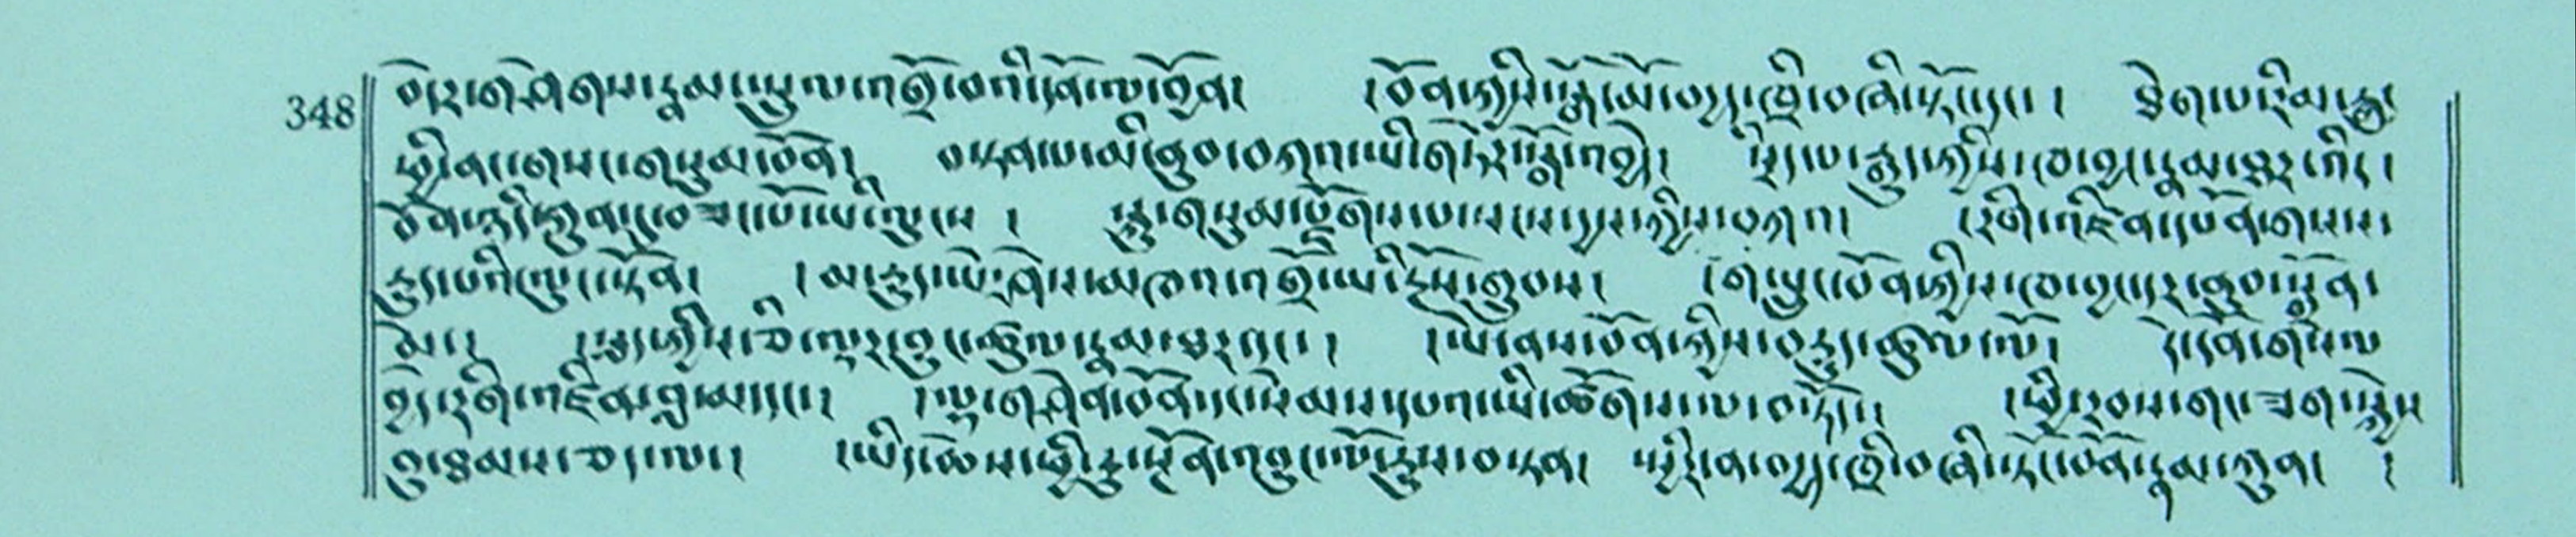བདེར་གཤེགས་རྣམ་སྤྲུལ་འགྲོ་བའི་དོན་ལ་བྱོན། བོན་གྱི་སྒོ་མོ་བརྒྱད་ཁྲི་བཞི་སྟོང་དང་། ཐེག་པ་རིམ་དགུའི་
ཕྱི་ནང་གསང་གསུམ་བོན། བསྟན་པ་མི་ནུབ་བཀའ་ཡི་གཏེར་སྒོ་འབྱེད། སྲིད་པ་རྒྱུད་ཀྱི་ཁ་བྱང་རྣམ་ཐར་འདི། 
བོན་ཉིད་ཀུན་ཏུ་བཟང་པོ་ཡི་ལུང་། སྐུ་གསུམ་རྫོགས་པའི་སངས་རྒྱས་ཀྱིས་བཀའ། རིགས་འཛིན་དཔོན་གསས་
རྒྱུད་པའི་ལུང་སྟོན། མ་རྒྱུད་ཡེ་ཤེས་མཁའ་འགྲོ་ཡི་དངོས་གྲུབ། གཡུང་དྲུང་བོན་གྱི་ཁ་བྱང་དར་ནུབ་སྒྲོན་
མེ། སླད་ཀྱིས་ཇི་ལྟར་བྱུང་ཚུལ་རྣམ་ཐར་དང་། ཡེ་ནས་བོན་གྱི་རྒྱུད་ཚུལ་ལོ། །དེ་དོན་གསལ་
བྱེད་རིགས་འཛིན་བླ་མ་དང་། ལྷ་གཤེན་བོན་དང་སེམས་དཔའི་ཚོགས་ལ་བསྟོད། ཕྱི་རབས་གང་ཟག་སྐྱེས་
བུ་ཐམས་ཅད་ལ། ཡིད་ཆེས་ཕྱི་རུ་སྔོན་བྱུང་ལོ་རྒྱུས་བསྟན། སྤྱིར་ན་བརྒྱད་ཁྲི་བཞི་སྟོང་བོན་རྣམས་ཀུན།